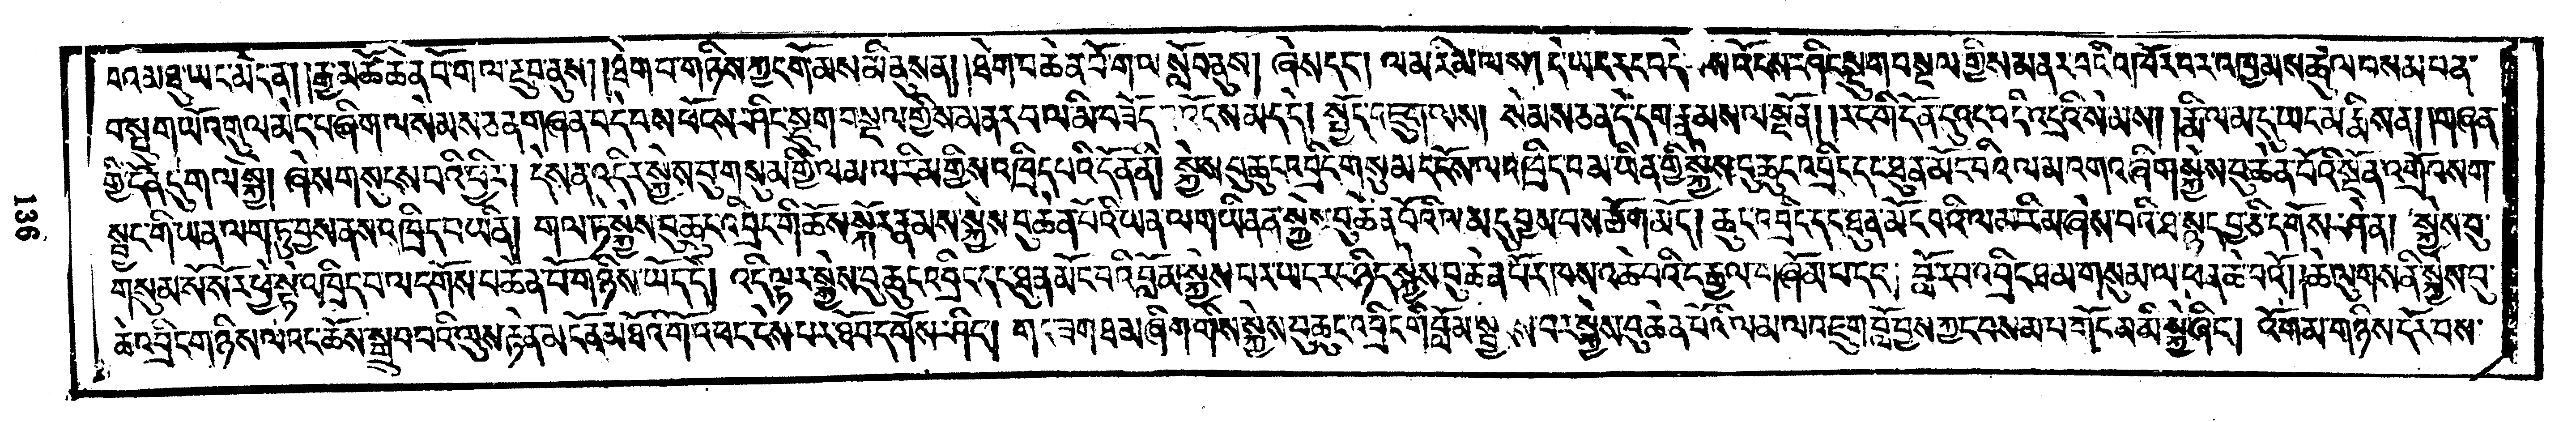བའམ་ཐུ་ཡང་མེད་ན། །རྒྱ་མཚོ་ཆེན་པོ་གལ་རྡུབ་ནུས། །ཐེག་པ་གཉིས་ཀྱང་གོ་མས་མི་ནུས་ན། །ཐེག་པ་ཆེ་པོ་གལ་སློབ་ནུས། ཞེས་དང་། ལམ་རིམ་ལས། དེ་ཡང་རང་བདེབས་འོངས་ཤིང་སྡུག་བསྔལ་གྱིས་མནར་བའི་འཁོར་བར་འཁྱམས་ཚུལ་བསམ་པན་
བ་སྤུ་གཡོ་འགུལ་མེད་པ་ཞིག་ལ་སེམས་ཅན་གཞན་བདེ་བས་ཕོངས་ཤིང་སྡུག་བསྔལ་གྱིས་མནར་བ་ལ་མི་བཟོད་པ་འོངས་མད་དེ། སྤྱོད་འཇུག་ལས། སེམས་ཅན་དེ་དག་རྣམས་ལ་སྔོན། །རང་གི་དོན་དུའང་འདི་འདྲའི་སེམས། །རྨི་ལམ་དུ་ཡང་མ་རྨིས་ན། །གཞན་
གྱི་དོན་དུག་ལ་སྐྱེ། ཞེས་གསུངས་པའི་ཕྱིར། དེས་ན་འདིར་སྐྱེས་བུ་གསུམ་གྱི་ལམ་ལ་རིམ་གྱིས་འཁྲིད་པའི་དོན་ནི། སྐྱེས་བུ་ཆུང་འབྲིང་གསུམ་དངོས་ལ་འཁྲིད་པ་མ་ཡིན་གྱི་སྐྱེས་བུ་ཆུང་འབྲིང་དང་ཐུན་མོང་བའི་ལམ་འགའ་ཞིག་སྐྱེས་བུ་ཆེན་པོའི་སྔོན་འགྲོ་བསག་
སྦྱང་གི་ཡན་ལག་ཏུ་བྱས་ནས་འཁྲིད་པ་ཡིན། གལ་ཏེ་སྐྱེས་བུ་ཆུང་འབྲིང་གི་ཆོས་སྐོར་རྣམས་སྐྱེས་བུ་ཆེན་པོའི་ཡན་ལག་ཡིན་ན་སྐྱེས་བུ་ཆེན་པོའི་ལམ་དུ་བྱས་པས་ཆོ་ག་མོད། ཆུང་འབྲིང་དང་ཐུན་མོང་བའི་ལམ་རིམ་ཞེས་པའི་ཐ་སྙད་བྱ་ཅི་དགོས་ཤེ་ན། སྐྱེས་བུ་
གསུམ་སོ་སོར་ཕྱེ་སྟེ་འཁྲིད་པ་ལ་དགོས་པ་ཆེན་པོ་གཉིས་ཡོད་དེ། འདི་ལྟར་སྐྱེས་བུ་ཆུང་འབྲིང་དང་ཐུན་མོང་བའི་བློ་མ་སྐྱེས་པར་ཡང་རང་ཉིད་སྐྱེས་བུ་ཆེན་པོར་ཁས་འཆེ་བའི་ང་རྒྱལ་གཞོམ་པ་དང་། བློ་རབ་འབྲིང་ཐ་མ་གསུམ་ལ་ཕན་ཆེ་བའོ། །ཆེ་ལུགས་ནི་སྐྱེས་བུ་
ཆེ་འབྲིང་གཉིས་ལའང་ཆོས་སྒྲུབ་པའི་ལུས་རྟེན་མངོན་མཐོའི་གོ་འཕང་ངེས་པར་ཐོབ་དགོས་ཤིང་། གང་ཟག་ཐམ་ཞིག་གིས་སྐྱེས་བུ་ཆུང་འབྲིང་གི་བློ་མ་སྦྱངས་བར་སྐྱེས་བུ་ཆེན་པོའི་ལམ་ལ་འཇུག་བློ་བྱས་ཀྱང་བསམ་པ་གོང་མ་མི་སྐྱེ་ཞིང་། འོག་མ་གཉིས་དོར་བས་